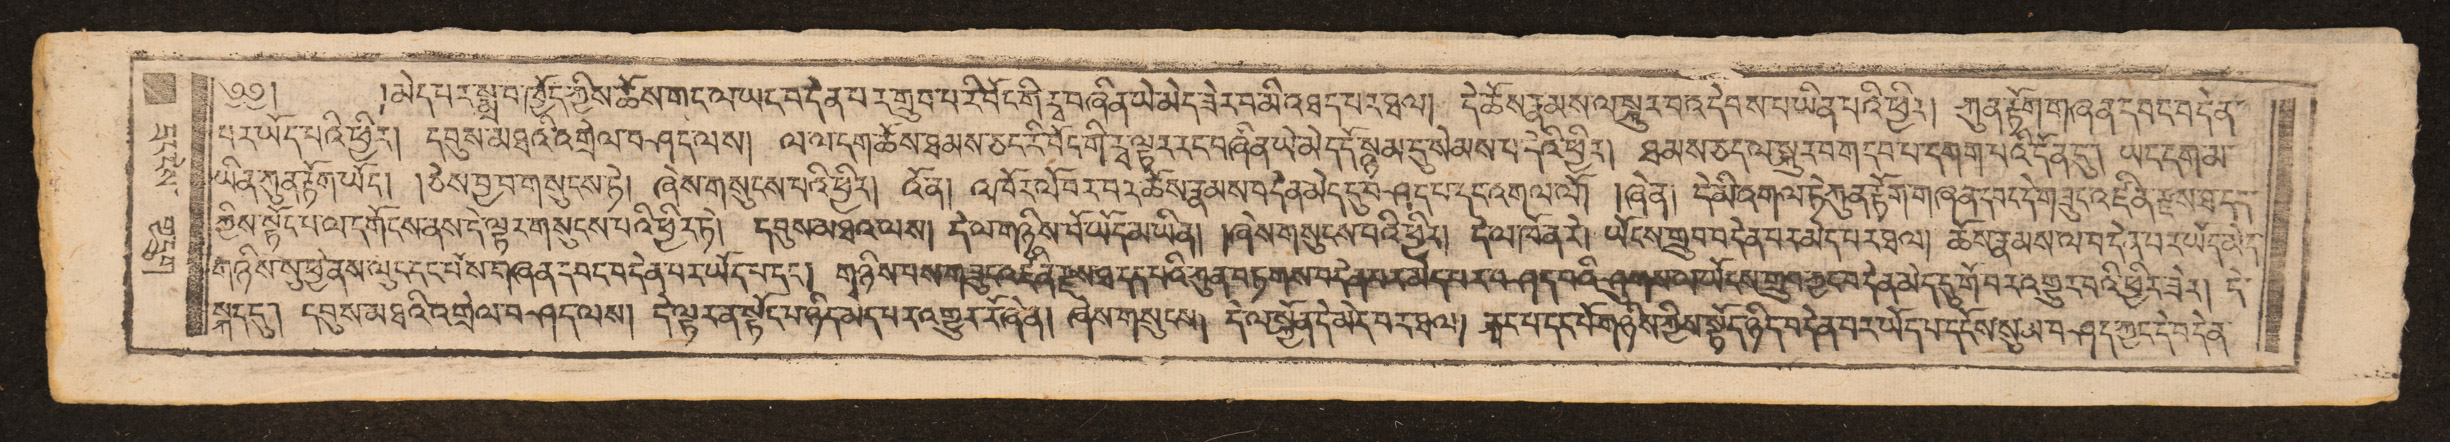༄༅། །མེད་པར་སྨྲ་བ་ཁྱོད་ཀྱིས་ཆོས་གང་ལ་ཡང་བདེན་པར་གྲུབ་པ་རི་བོང་གི་རྭ་བཞིན་ཡེ་མེད་ཟེར་བ་མི་འཐད་པར་ཐལ། དེ་ཆོས་རྣམས་ལ་སྐུར་བ་འདེབས་པ་ཡིན་པའི་ཕྱིར། ཀུན་རྟོག་གཞན་དབང་བདེན་
པར་ཡོད་པའི་ཕྱིར། དབུས་མཐའི་འགྲེལ་བཤད་ལས། ལ་ལ་དག་ཆོས་ཐམས་ཅད་རི་བོང་གི་རྭ་ལྟར་རང་བཞིན་ཡེ་མེད་དོ་སྙམ་དུ་སེམས་པ་དེའི་ཕྱིར། ཐམས་ཅད་ལ་སྐུར་བ་གདབ་པ་དགག་པའི་དོན་དུ། ཡང་དག་མ་
ཡིན་ཀུན་རྟོག་ཡོད། །ཅེས་བྱ་བ་གསུངས་ཏེ། ཞེས་གསུངས་པའི་ཕྱིར། འོ་ན། འཁོར་ལོ་བར་བར་ཆོས་རྣམས་བདེན་མེད་དུ་བཤད་པ་དང་འགལ་ལོ། །ཞེ་ན། དེ་མི་འགལ་ཏེ་ཀུན་རྟོག་གཞན་དབང་དེ་གཟུང་འཛིན་རྫས་ཐ་དད་
ཀྱིས་སྟོང་པ་ལ་དགོངས་ནས་དེ་ལྟར་གསུངས་པའི་ཕྱིར་ཏེ། དབུས་མཐའ་ལས། དེ་ལ་གཉིས་པོ་ཡོད་མ་ཡིན། །ཞེས་གསུངས་པའི་ཕྱིར། དེ་ལ་ཁོ་ན་རེ། ཡོངས་གྲུབ་བདེན་པར་མེད་པར་ཐལ། ཆོས་རྣམས་ལ་བདེན་པར་ཡོད་མེད་
གཉིས་སུ་ཕྱེ་ནས་ལུང་དང་པོས་གཞན་དབང་བདེན་པར་ཡོད་པ་དང་། གཉིས་པས་གཟུང་འཛིན་རྫས་ཐ་དད་པའི་ཀུན་བཏགས་བདེན་པར་མེད་པར་བཤད་པའི་ཤུགས་ལ་ཡོངས་གྲུབ་ཀྱང་བདེན་མེད་དུ་གོ་བར་འགྱུར་བའི་ཕྱིར་ཟེར། དེ་
སྐད་དུ། དབུས་མཐའི་འགྲེལ་བཤད་ལས། དེ་ལྟར་ན་སྟོང་པ་ཉིད་མེད་པར་འགྱུར་རོ་ཞེ་ན། ཞེས་གསུངས། དེ་ལ་སྐྱོན་དེ་མེད་པར་ཐལ། རྐང་པ་དང་པོ་གཉིས་ཀྱིས་སྟོང་ཉིད་བདེན་པར་ཡོད་པ་དངོས་སུ་མ་བཤད་ཀྱང་དེ་བདེན་